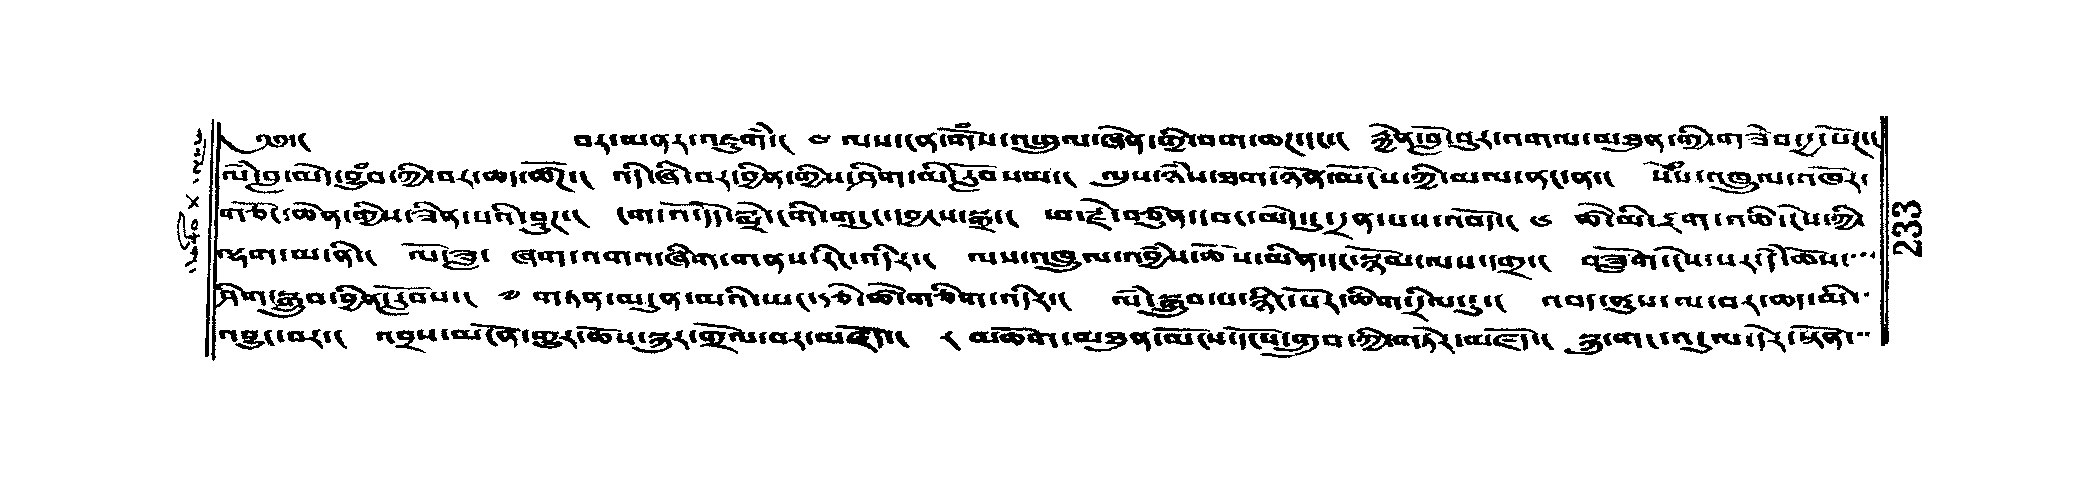བར་མནར་འཇུག་གམ། ༤ །ལས་ངན་གོམས་འཕྲུལ་ཞེན་གྱི་བག་ཆགས་དང་། །རྐྱེན་བློ་བུར་འགལ་མཐུན་གྱི་གཟེབ་རྒྱ་སོགས། །
ལམ་བླ་མེད་བྱང་ཆུབ་ཀྱི་བར་ཆད་ཚོགས། འདི་ཞི་བར་བྱིན་གྱིས་ཤིག་མི་རློབས་སམ། །ལུས་ཉམ་ཐག་ཉོན་མོངས་ཀྱི་མལ་ནང་ན། །སེམས་འཁྲུལ་འཁོར་
གཅོང་ཆེན་གྱིས་ཟིན་པའི་ཤུགས། །ངག་འོ་དོད་སྨྲེ་ངག་གི་གདུང་དབྱངས་སྒྲ། །ཕ་རྗེ་བཙུན་དབང་མེད་དུ་དྲན་པས་འབོད། ༦ །ཚེ་མི་རྟག་འཆི་ངེས་ཀྱི་
ལྷག་མ་ནི། །ལོ་ཟླ་ཞག་འགའ་ཞིག་གནས་རིང་འདིར། །ལས་འཁྲུལ་འབྱམས་ཆོས་མིན་དང་སྙོམ་ལས་དགྲ། །བཟློག་ངེས་པར་དམ་ཆོས་
ཤིག་སྒྲུབ་བྱིན་རློབས། ༧ །གཏན་མདུན་མའི་ཡང་རྩེ་ཚེ་གཅིག་འདིར། །ལམ་སྒྲུབ་པ་སྙིང་པོ་ཆིག་དྲིལ་དུ། །འབད་ནུས་ལ་བར་ཆད་མི་
འབྱུང་བར། །འབྲས་མངོན་གྱུར་ཆོས་སྐུར་གྲོལ་བར་མཛོད། ༨ །མཆོག་ཐུན་མོངས་དངོས་གྲུབ་ཀྱི་གཏེར་མཛོད་མཆོག །སྐུ་གང་འདུལ་དེར་སྟོན་